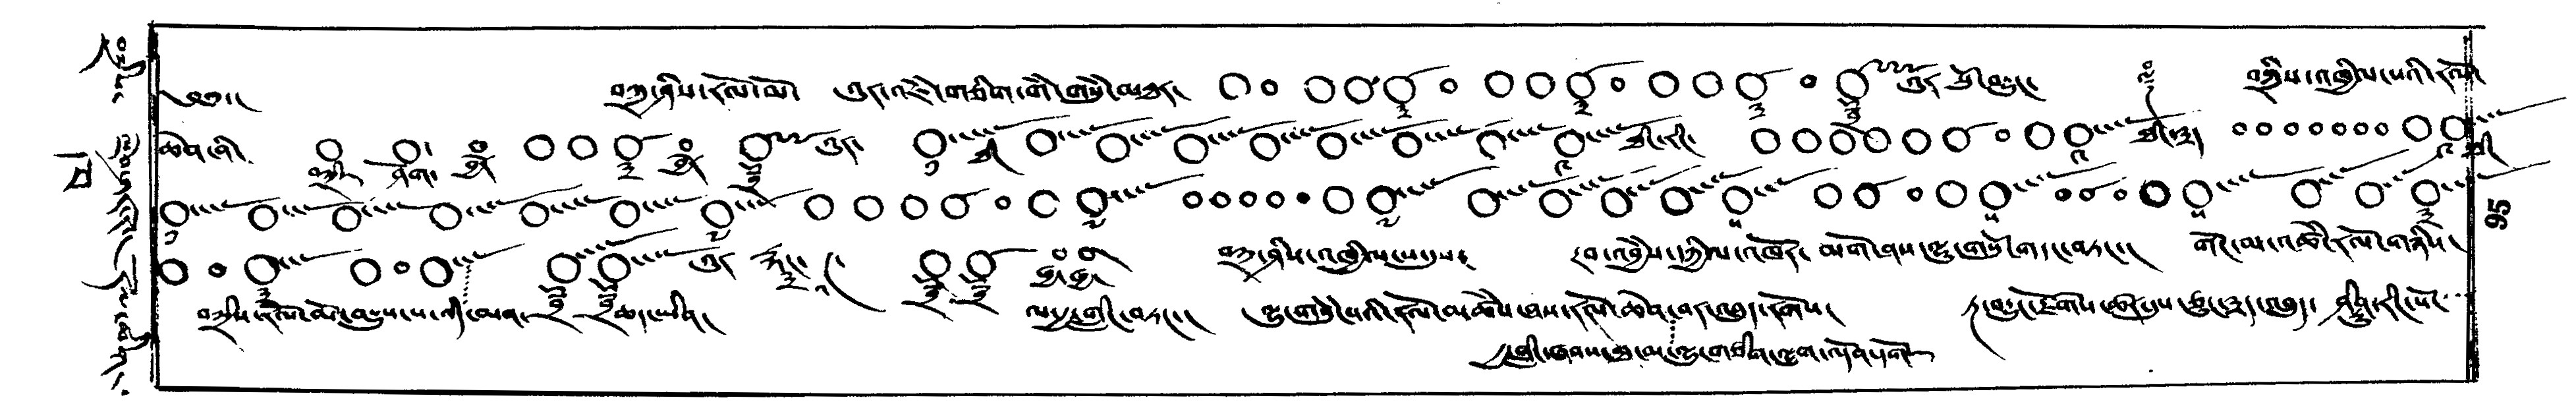བཀྲ་ཤིས་རོལ་མོ། འུར་འཇམ་གཅིག་གམ་གསུམ་མཐར། འུར་སུམ་བརྡུང་། ༈ བཀྲ་ཤིས་འཁྱིལ་པའི་རོལ་
ཆེན་ནི། 
བཀྲ་ཤིས་ཤོག བཀྲ་ཤིས་རོལ་མོ་བསྡུས་པ་འདི་མན་ཆད་ཡིན། བཀྲ་ཤིས་འཁྱིལ་པའི་དུས། རབ་འབྱམས་དཀྱིལ་འཁོར་འགོ་ནས་ལྷུ་གསུམ་གདངས་བཏང་། གོང་མ་འཚམ་རོལ་གཉིས་། 
ལ་རྒྱ་གླིང་བཏང་། ལྷུ་གསུམ་པའི་རོལ་མཚམས་ནས་རོལ་ཆེན་རྒྱ་གླིང་ཞབས་ཐ་མ་ལྷུ་གཅིག་ལྷུག་འདོན་དགོས། བར་འབུད་རོགས། རྔ་བརྡུང་རྫོགས་ཚར་དུས་ཅུང་ཟད་འབུད། ཤིན་ཏུ་རིང་པོ